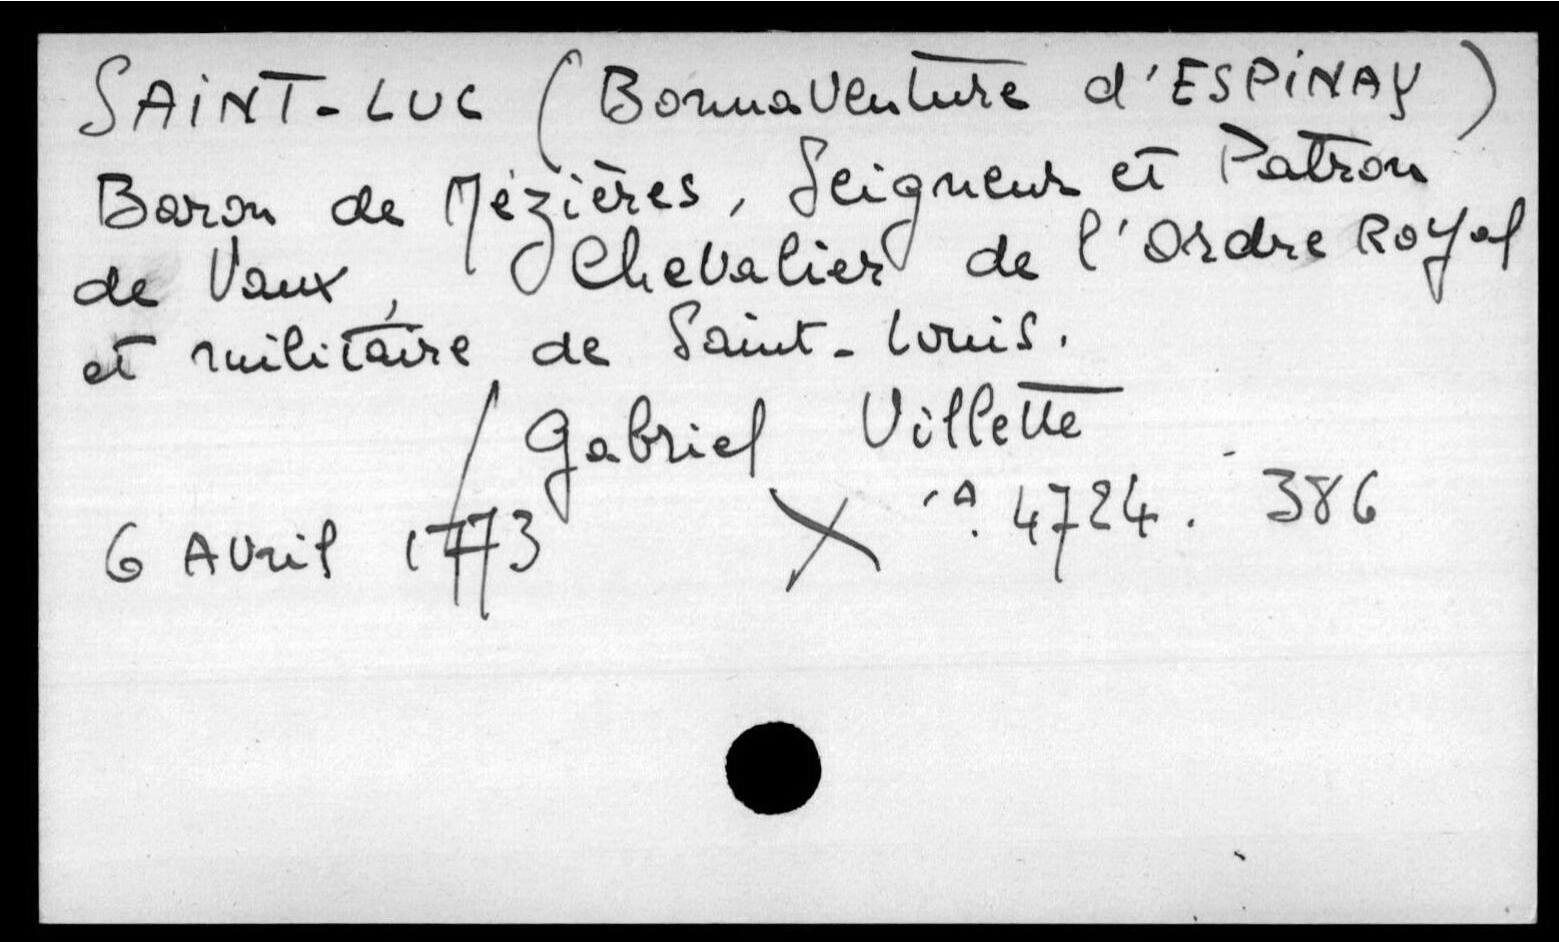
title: SAINT-LUC (Bonaventure d'ESPINAY) Baron de Mézières, Seigneur et Patron de Vaux, Chevalier de l'ordre Royal et militaire de Saint-Louis.
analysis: Contre Gabriel Villette
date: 6 avril 1773
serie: X1A
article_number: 4724
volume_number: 386
